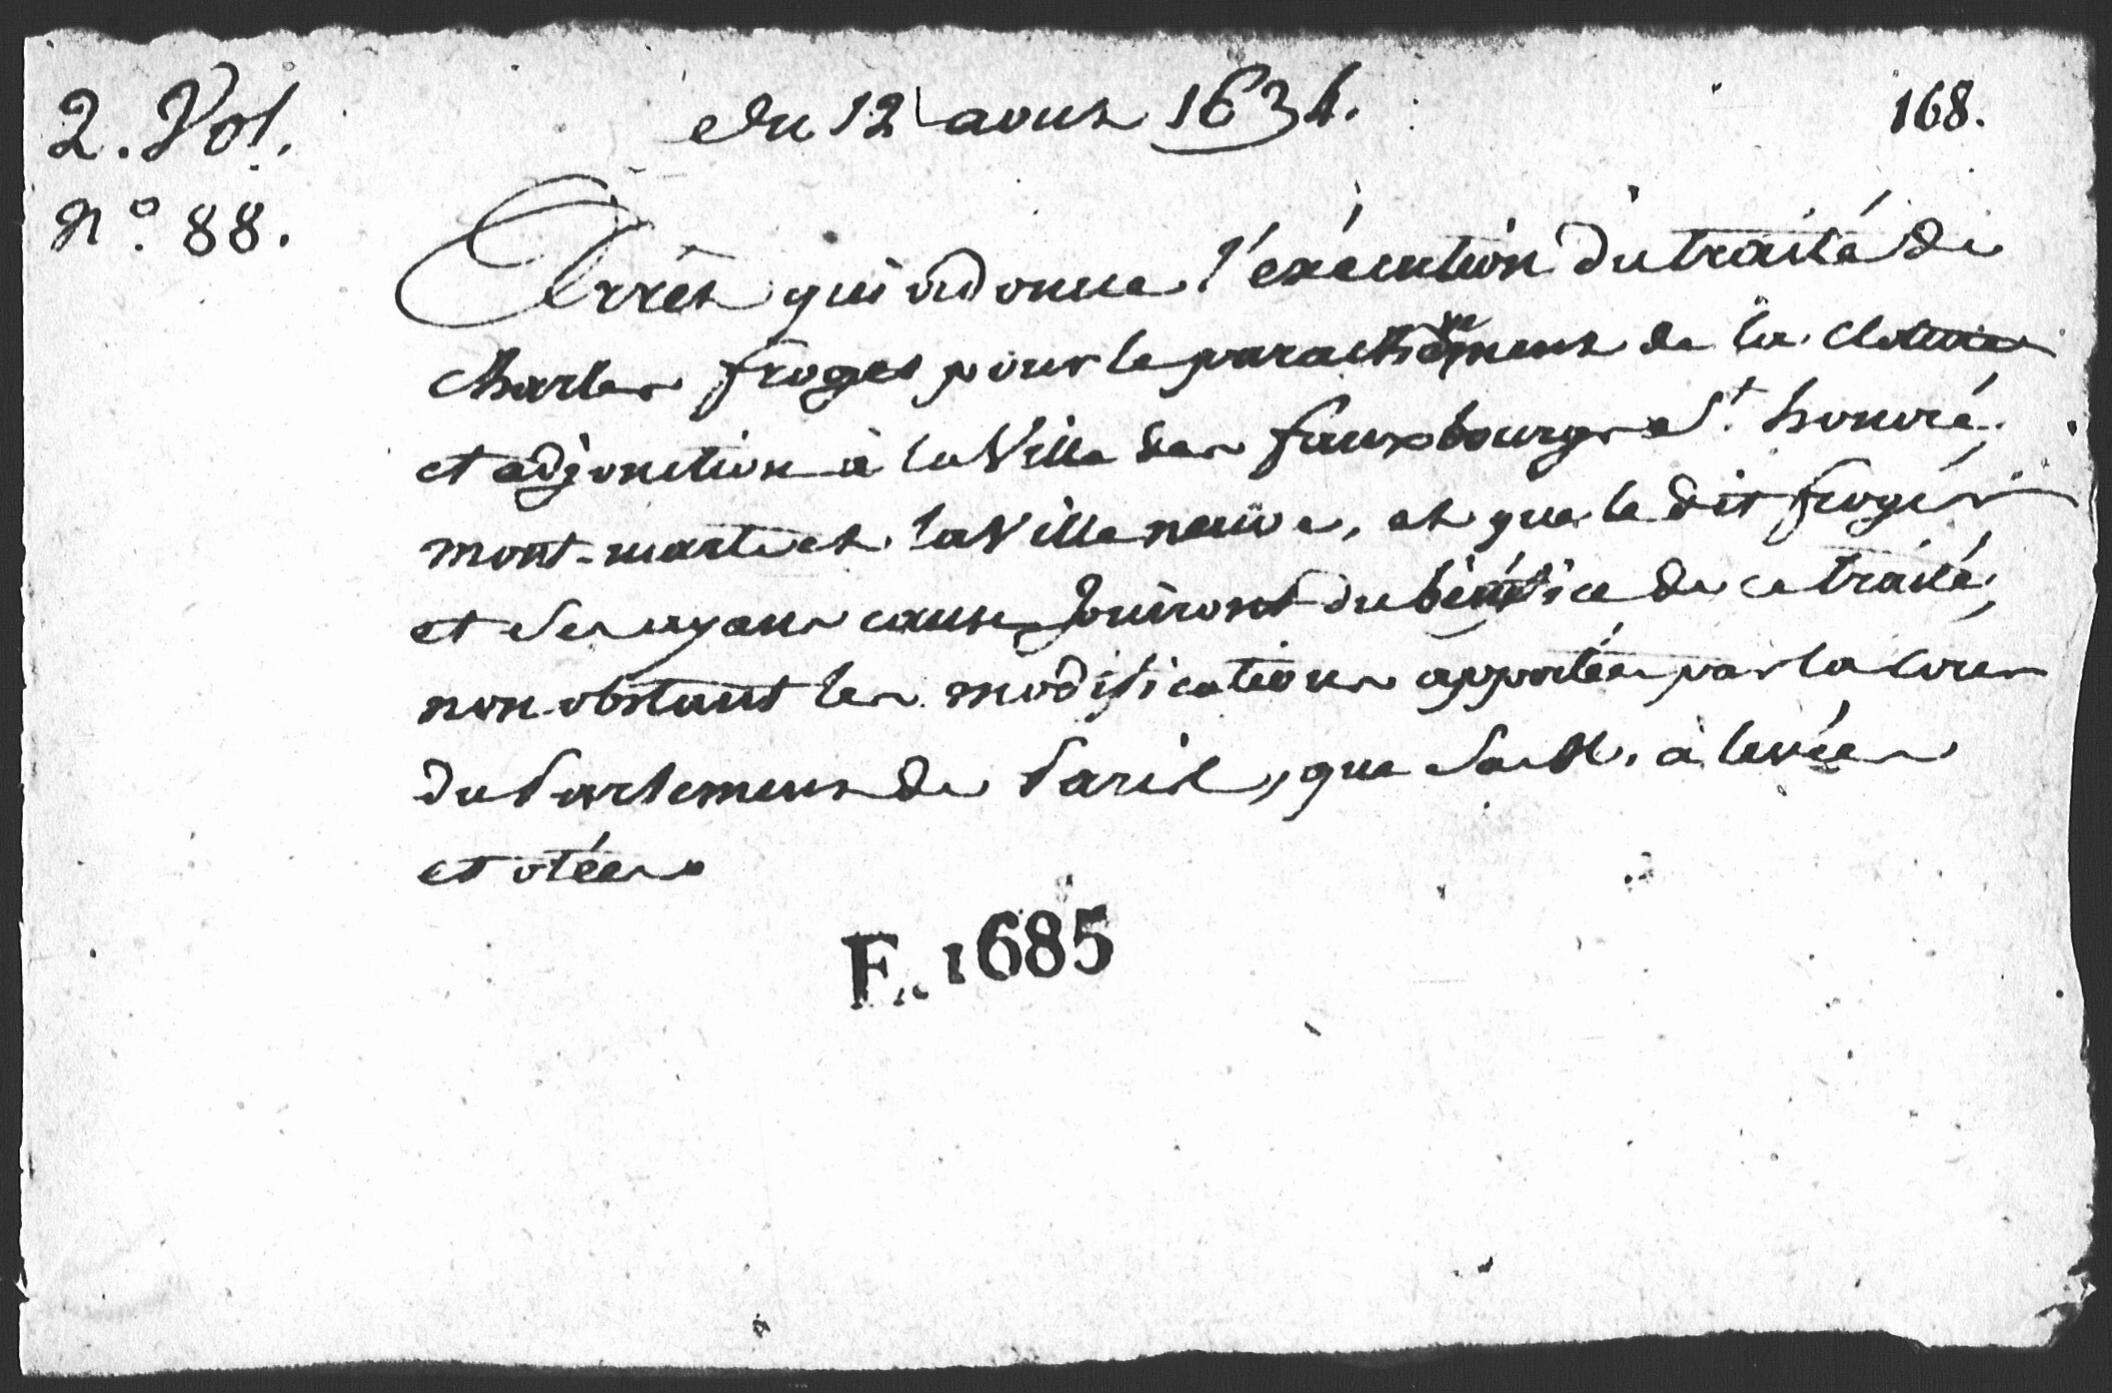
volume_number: n°88
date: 12 août 1634
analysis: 168
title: Arrêt qui ordonne l'exécution du traité de charles Froget pour le parachevement de la cloture et adjonction à la Ville des fauxbourgs S.t honoré, mont-marte et la Villeneuve, et que le dit Froger et ses ayans cause jouiront du bénéfice de ce traité, nonobstant les modifications apportées par la Cour de Parlement de Paris, que S. M. a levées et otées
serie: E
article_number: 1685
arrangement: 2. vol.
